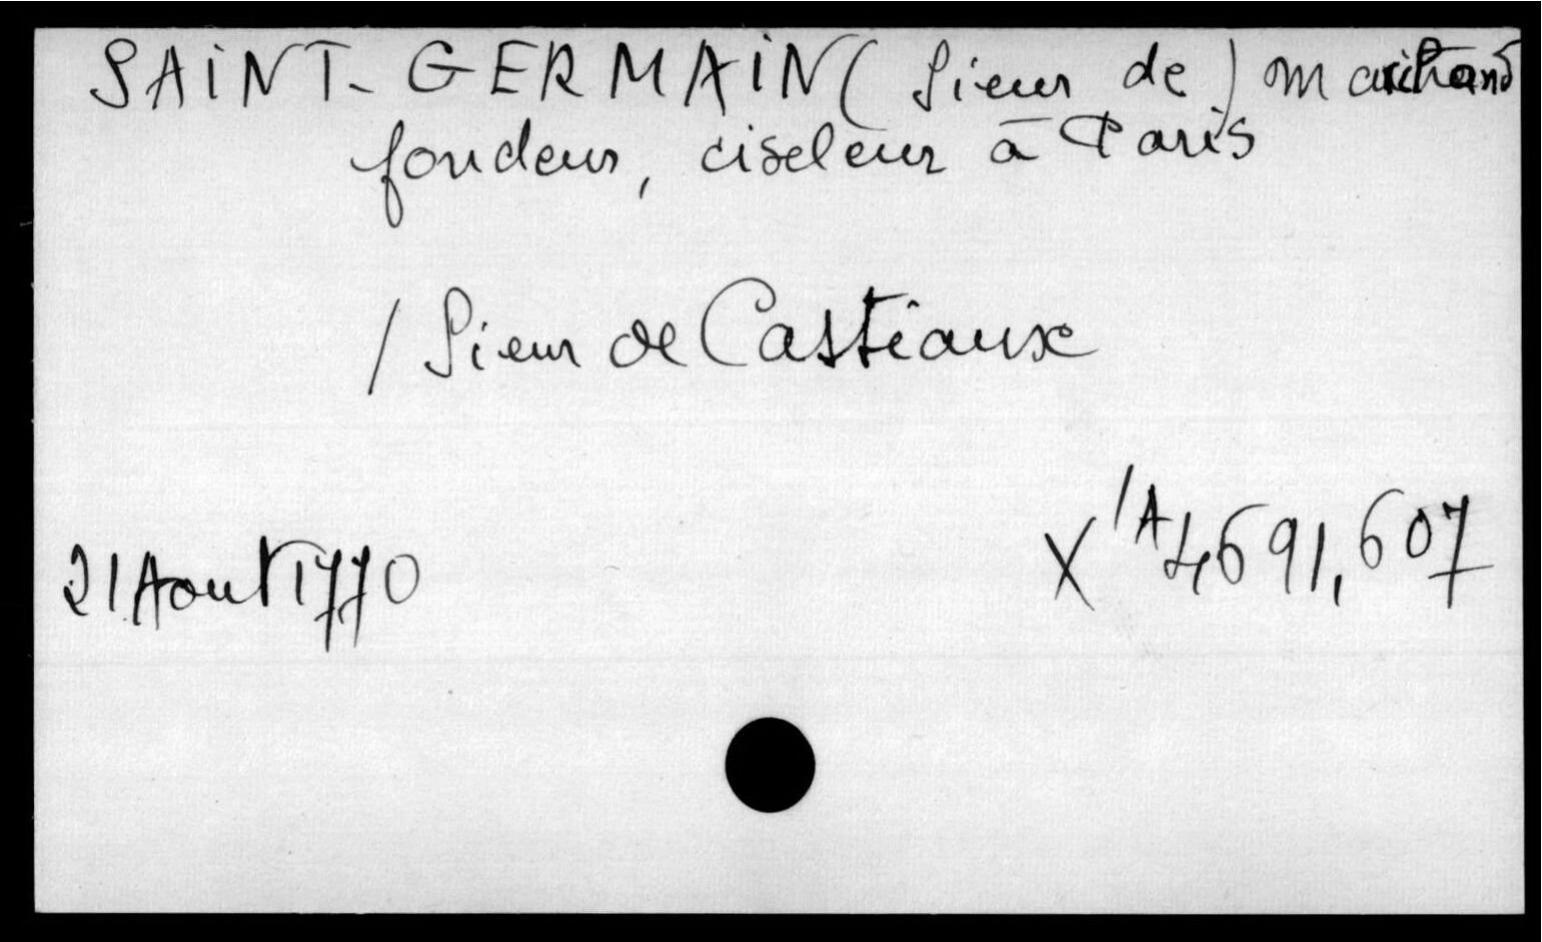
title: SAINT-GERMAIN (Sieur de) marchand fondeur, ciseleur à Paris
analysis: Contre Sieur de Castéaux
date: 21 août 1770
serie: X1A
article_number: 4691
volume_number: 607
